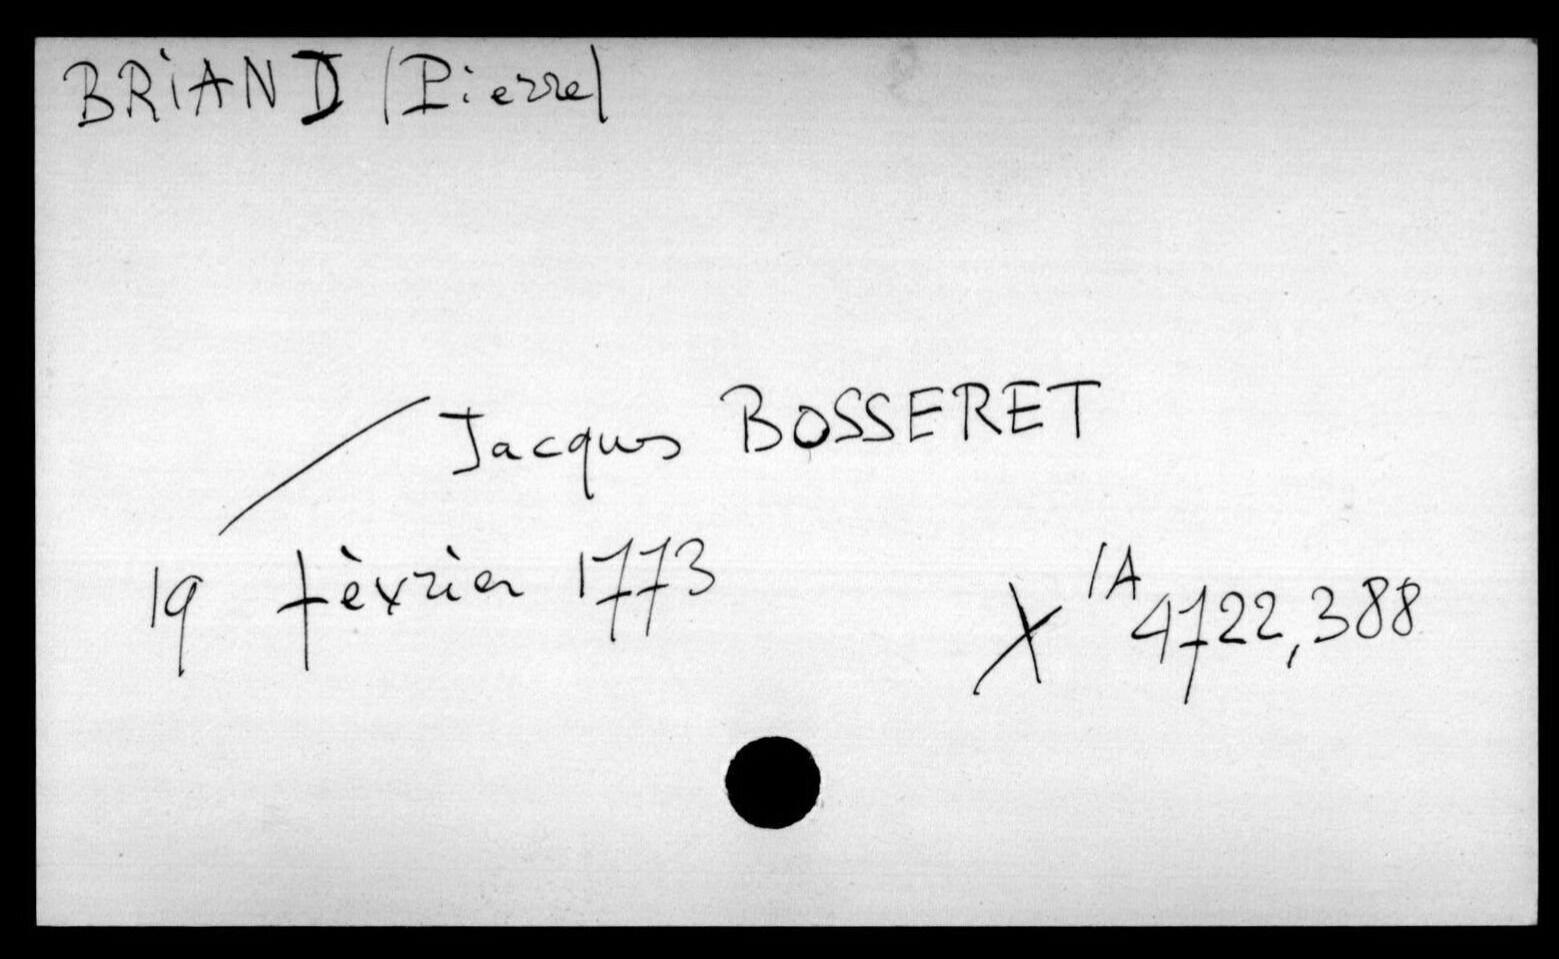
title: BRIAND (Pierre)
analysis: Contre Jacques BOSSERET
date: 19 février 1773
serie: X1A
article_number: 4722
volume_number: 388
